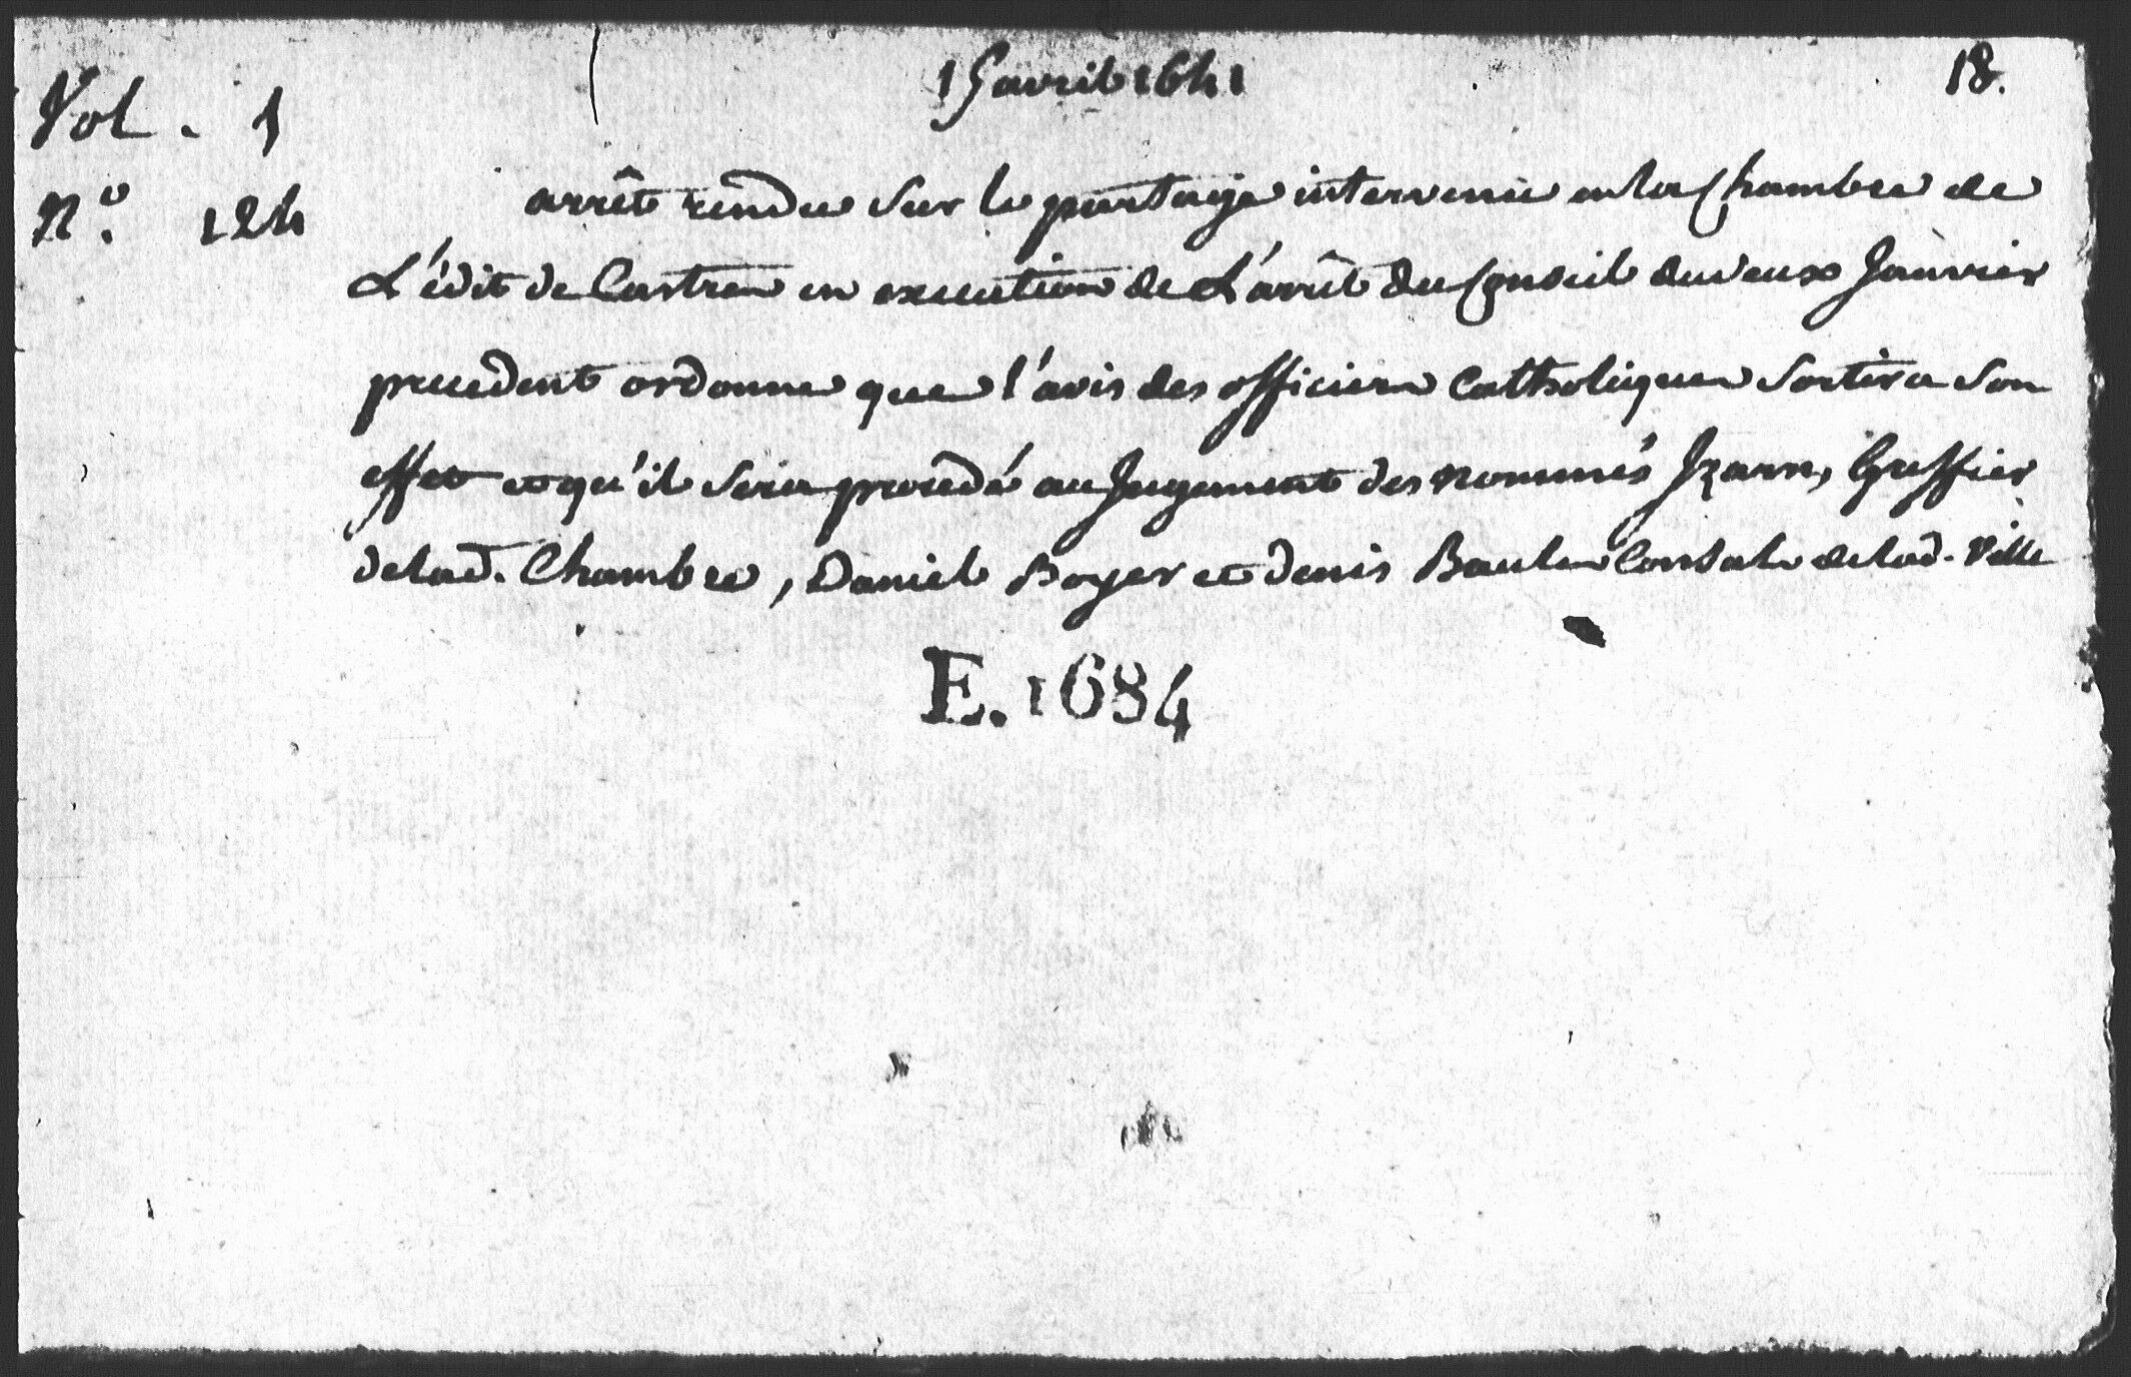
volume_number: n° 124
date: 15 avril 1641
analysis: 18
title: Arrêt rendu sur le partage intervenu en la chambre de l'édit de Castres en execution de l'arrêt du Conseil du deux janvier precedent ordonne que l'avis des officiers catholiques sortira son effet et qu'il sera procedé au jugement des nommés Izanne, greffier de lad. chambre, Daniel Boyer et Denis Baules consuls de ladite ville.
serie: E
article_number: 1684
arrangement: Volume 1
